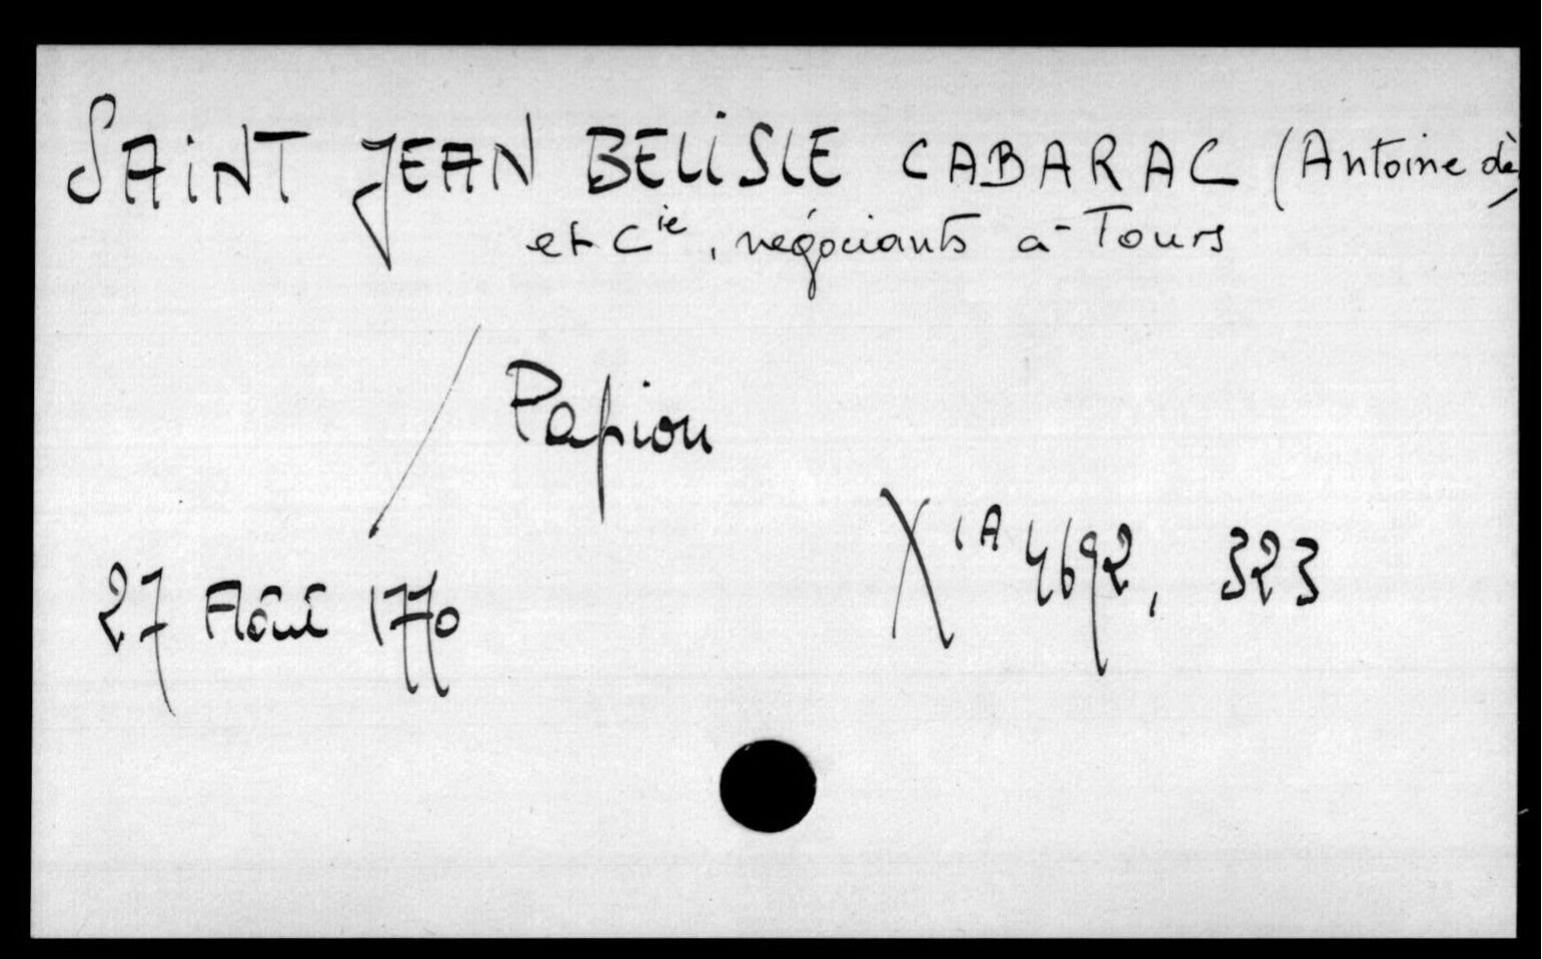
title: SAINT JEAN BELISLE CABARAC (Antoine de) et compagnie, négociants à Tours
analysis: Contre Papion
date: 27 août 1770
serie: X1A
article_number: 4692
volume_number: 323
